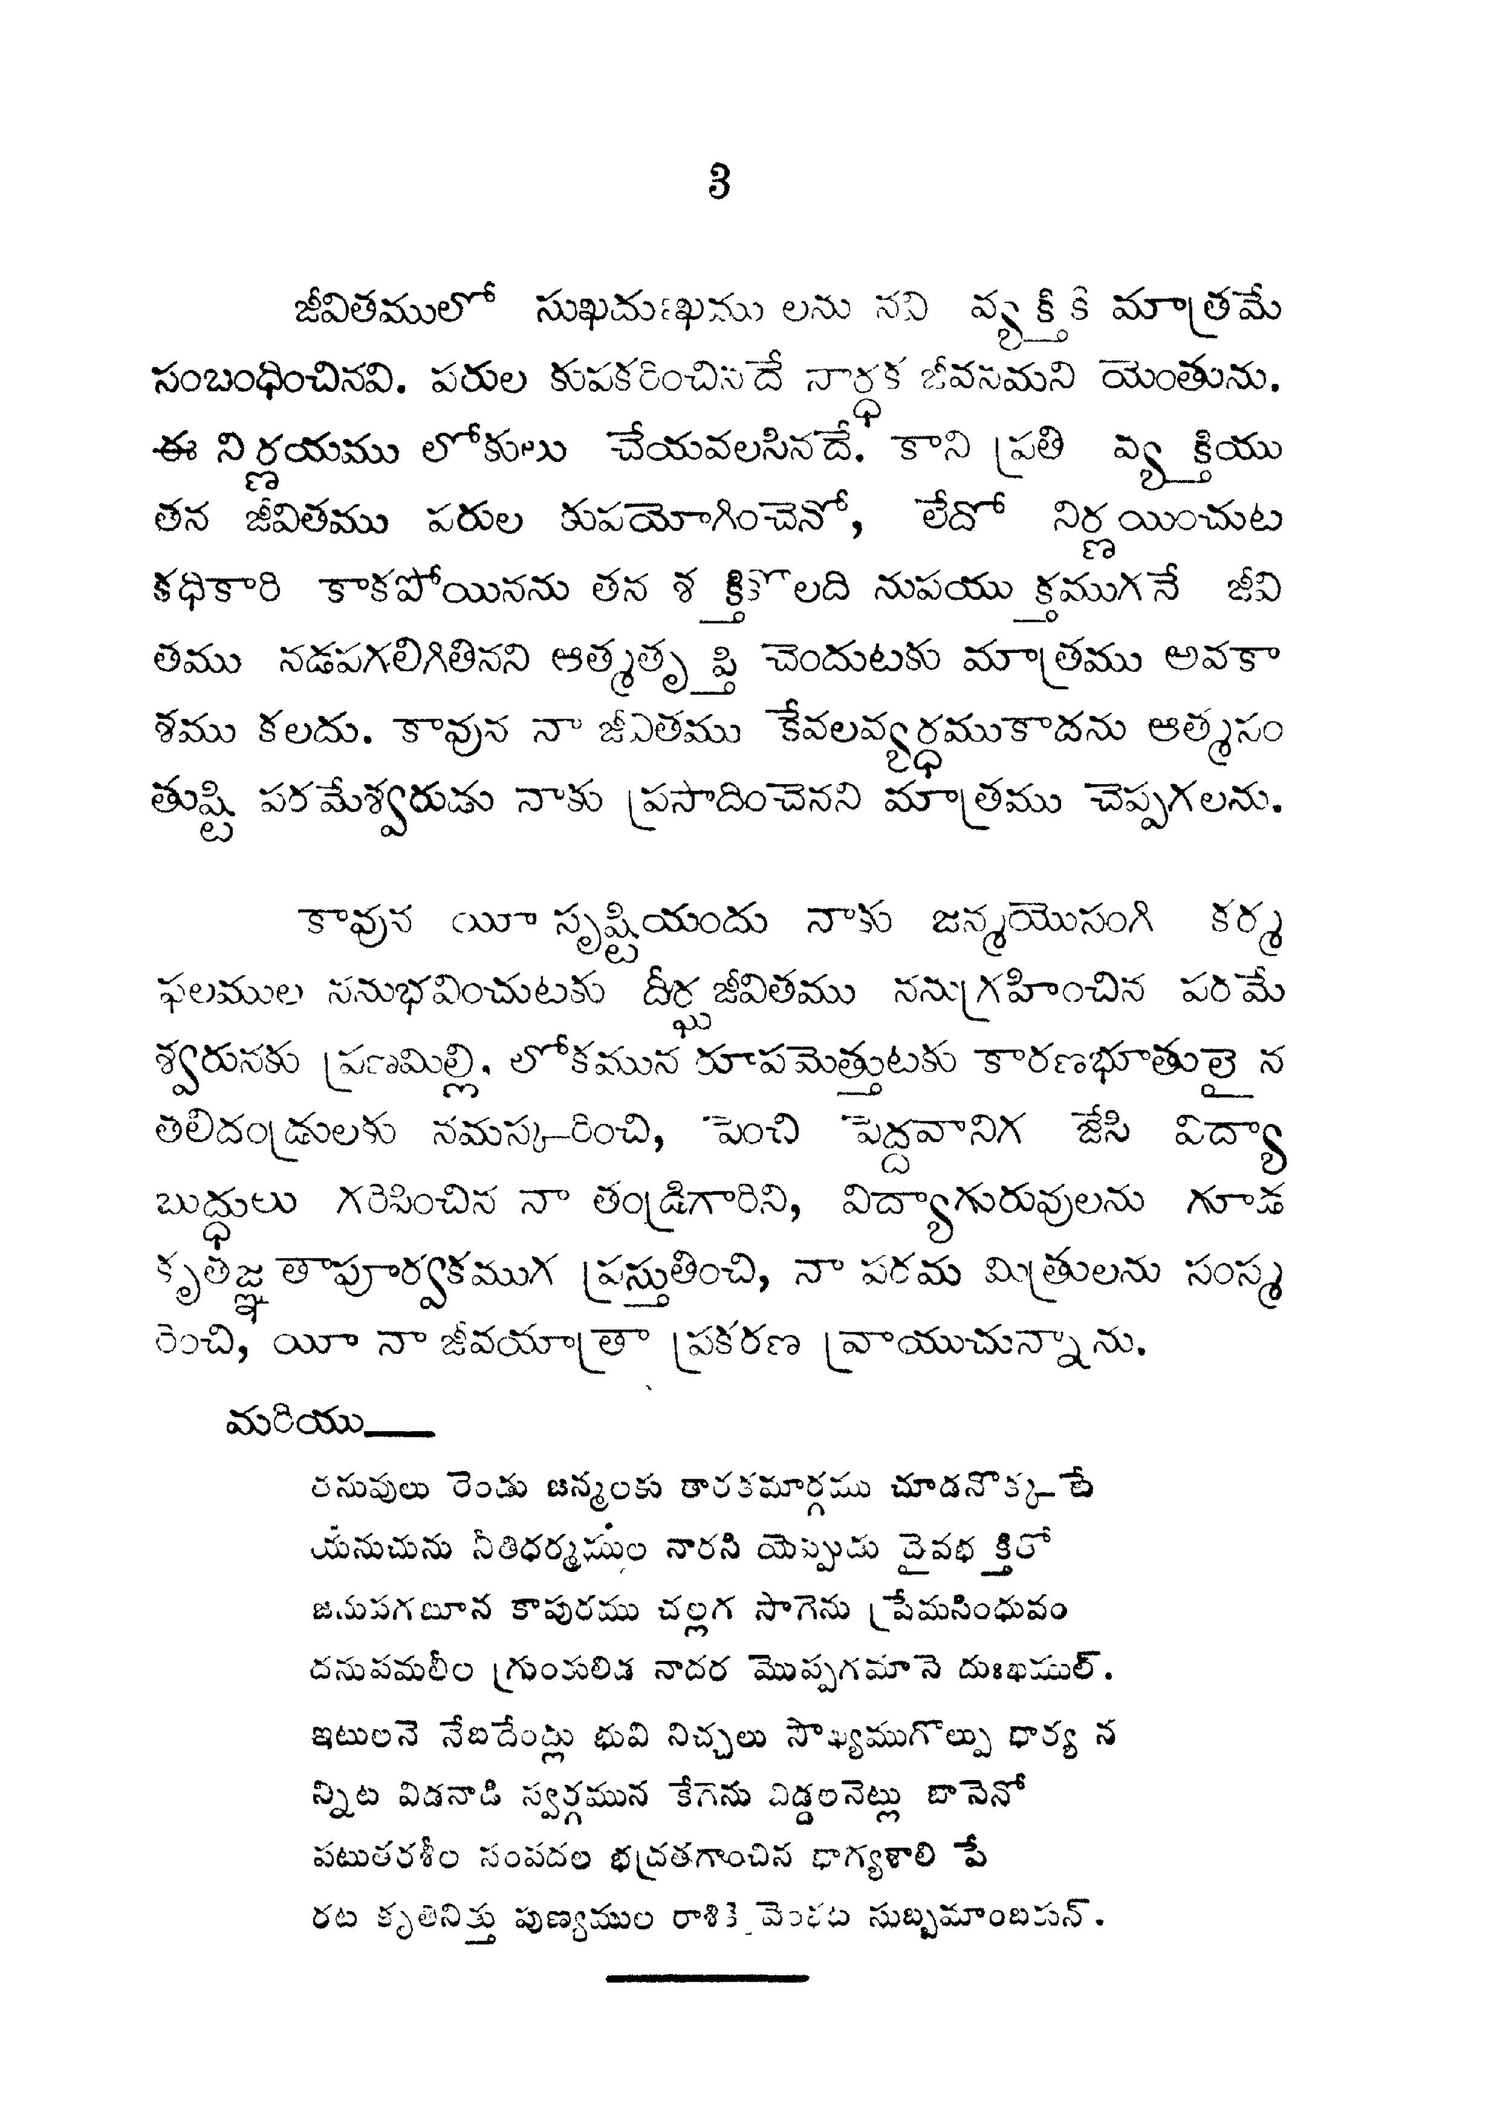జీవితములో సుఖదు:ఖము లను నవి వ్యక్తికి మాత్రమే సంబంధించినవి. పరుల కుపకరించినదే నార్ధక జీవినమని యెంతును. ఈ నిర్ణయము లోకులు చేయవలసినదే. కాని ప్రతి వ్యక్తియు తన జీవితము పరుల కుపయోగించునో, లేదో నిర్ణయించుట కధికారి కాకపోయినను తన శక్తికొలది నుపయుక్తముగనే జీవితము నడపగలిగితినని ఆత్మతృప్తి చెందుటకు మాత్రము అవకాశము కలదు. కావున నా జీవితము కేవలవ్యర్ధముకాదను ఆత్మసంతుష్టి పరమేశ్వరుడు నాకు ప్రసాదించెనని మాత్రము చెప్పగలను.

కావున యీ సృష్టియందు నాకు జన్మయొసంగి కర్మఫలముల ననుభవించుటకు దీర్ఘ జీవితము ననుగ్రహించిన పరమేశ్వరునకు ప్రణమిల్లి, లోకమున రూపమెత్తుటకు కారణభూతులైన తలిదండ్రులకు నమస్కరించి, పెంచి పెద్దవానిగ జేసి విద్యా బుద్ధులు గరిపించిన నా తండ్రిగారిని, విద్యాగురువులను గూడ కృతజ్ఞతాపూర్వకముగ ప్రస్తుతించి, నా పరమ మిత్రులను సంస్మరించి, యీ నా జీవయాత్రా ప్రకరణ వ్రాయుచున్నాను.

మరియు-

 తనువులు రెండు జన్మలకు తారకమార్గము చూడనొక్కటే
 యనుచును నీతిధర్మముల నారసి యెప్పుడు దైవభక్తితో
 జనుపగబూన కాపురము చల్లగ సాగెను ప్రేమసింధువం
 దనువమలీల గ్రుంకులిడ నాదర మొప్పగమానె దు:ఖముల్.

 ఇటులనె నేబదేండ్లు భువి నిచ్చలు సౌఖ్యముగొల్పు భార్య న
 న్నిట విడనాడి స్వర్గమున కేగెను బిడ్డలనెట్లు బాపెనో
 పటుతరశీం సంపదల భద్రతగాంచిన భాగ్యశాలి పే
 రట కృతనిత్తు పుణ్యముల రాశికి వెంతట సుబ్బమాంబకున్.

____________